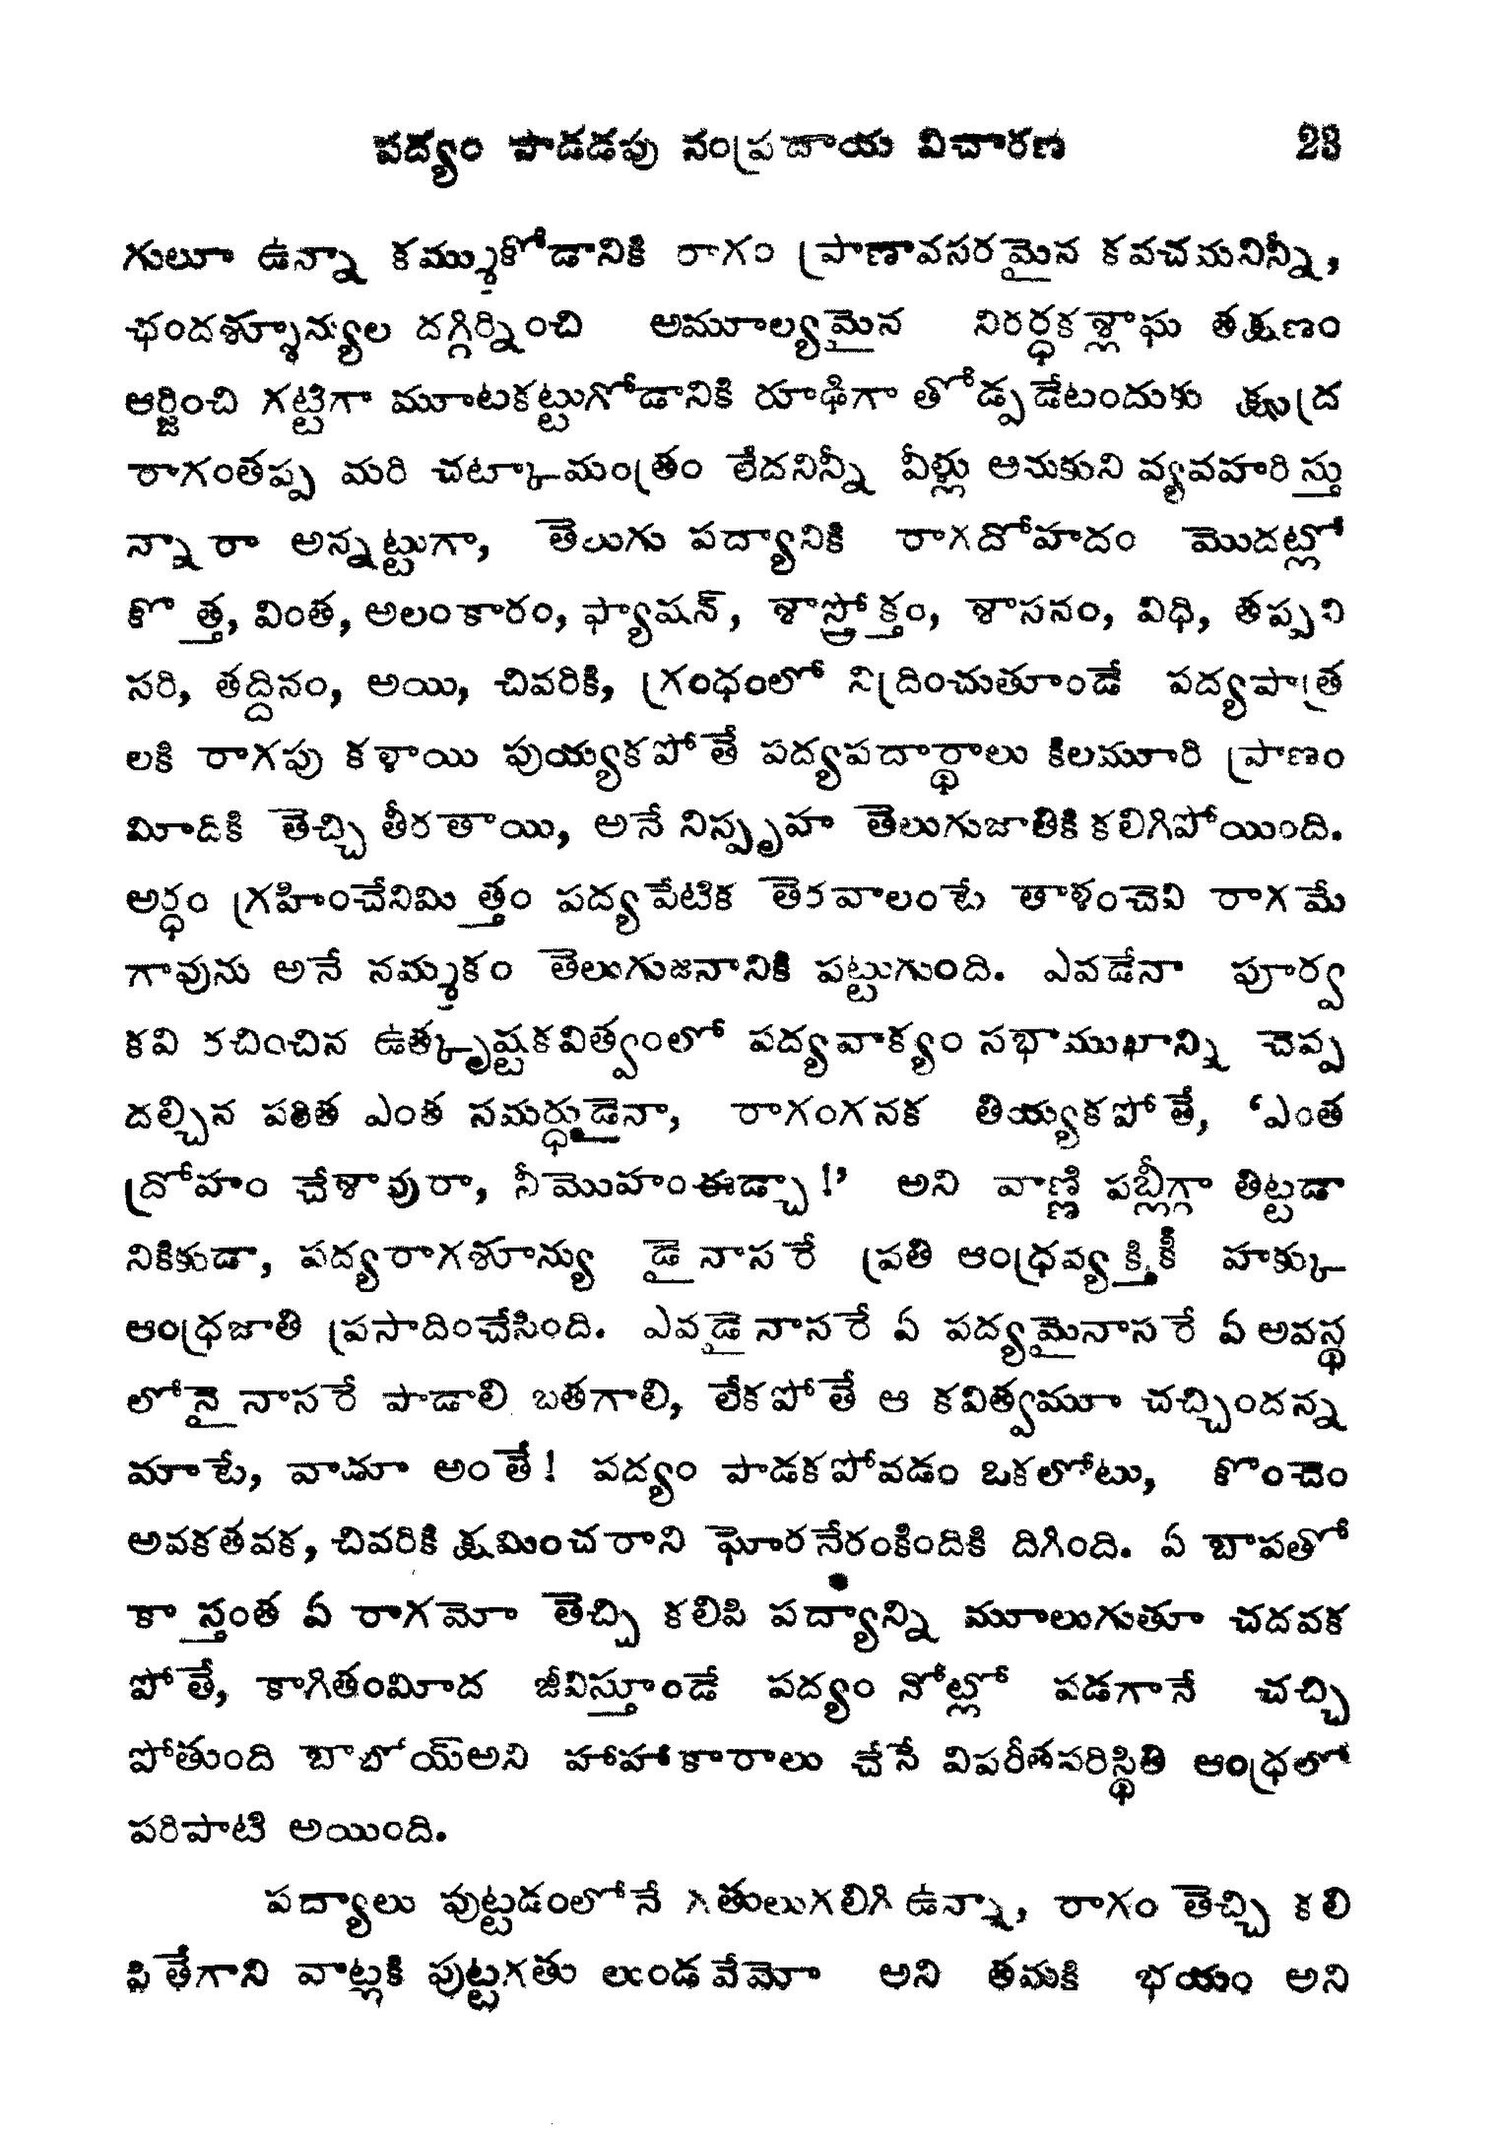గులూ ఉన్నా కమ్ముకోడానికి రాగం ప్రాణావసరమైన కవచమనిన్నీ,
ఛందశ్శూన్యుల దగ్గిర్నించి అమూల్యమైన నిరర్ధకశ్లాఘ తక్షణం
ఆర్జించి గట్టిగా మూటకట్టుగోడానికి రూఢిగా తోడ్పడేటందుకు క్షుద్ర
రాగంతప్ప మరి చట్కామంత్రం లేదనిన్నీ వీళ్లు అనుకుని వ్యవహరిస్తు
న్నారా అన్నట్టుగా, తెలుగు పద్యానికి రాగదోహదం మొదట్లో
కొత్త, వింత, అలంకారం, ఫ్యాషన్, శాస్త్రోక్తం, శాసనం, విధి, తప్పని
సరి, తద్దినం, అయి, చివరికి, గ్రంధంలో నిద్రించుతూండే పద్యపాత్ర
లకి రాగపు కళాయి పుయ్యకపోతే పద్యపదార్థాలు కిలమూరి ప్రాణం
మీదికి తెచ్చి తీరతాయి, అనే నిస్పృహ తెలుగుజాతికి కలిగిపోయింది.
అర్ధం గ్రహించేనిమిత్తం పద్యపేటిక తెరవాలంటే తాళంచెవి రాగమే
గావును అనే నమ్మకం తెలుగుజనానికి పట్టుగుంది. ఎవడేనా పూర్వ
కవి రచించిన ఉత్కృష్టకవిత్వంలో పద్యవాక్యం సభాముఖాన్ని చెప్ప
దల్చిన పఠిత ఎంత సమర్ధుడైనా, రాగంగనక తియ్యకపోతే, 'ఎంత
ద్రోహం చేశావురా, నీ మొహంఈడ్చా!' అని వాణ్ణి పబ్లిగ్గా తిట్టడా
నికికుడా, పద్యరాగశూన్యు డైనాసరే ప్రతి ఆంధ్రవ్యక్తికీ హక్కు
ఆంధ్రజాతి ప్రసాదించేసింది. ఎవ్వడైనాసరే ఏ పద్యమైనాసరే ఏ అవస్థ
లోనై నాసరే పాడాలి బతగాలి, లేకపోతే ఆ కవిత్వమూ చచ్చిందన్న
మాటే, వాడూ అంతే! పద్యం పాడకపోవడం ఒకలోటు, కొంచెం
అవకతవక, చివరికి క్షమించరాని ఘోరనేరంకిందికి దిగింది. ఏ బావతో
కాస్తంత ఏ రాగమో తెచ్చి కలిపి పద్యాన్ని మూలుగుతూ చదవక
పోతే, కాగితంమీద జీవిస్తూండే పద్యం నోట్లో పడగానే చచ్చి
పోతుంది బాబోయ్‌అని హాహాకారాలు చేసే విపరీతపరిస్థితి ఆంధ్రలో
పరిపాటి అయింది.

పద్యాలు పుట్టడంలోనే గతులుగలిగి ఉన్నా, రాగం తెచ్చి కలి
పితేగాని వాట్లకి పుట్టగతు లుండవేమో అని తమకి భయం అని